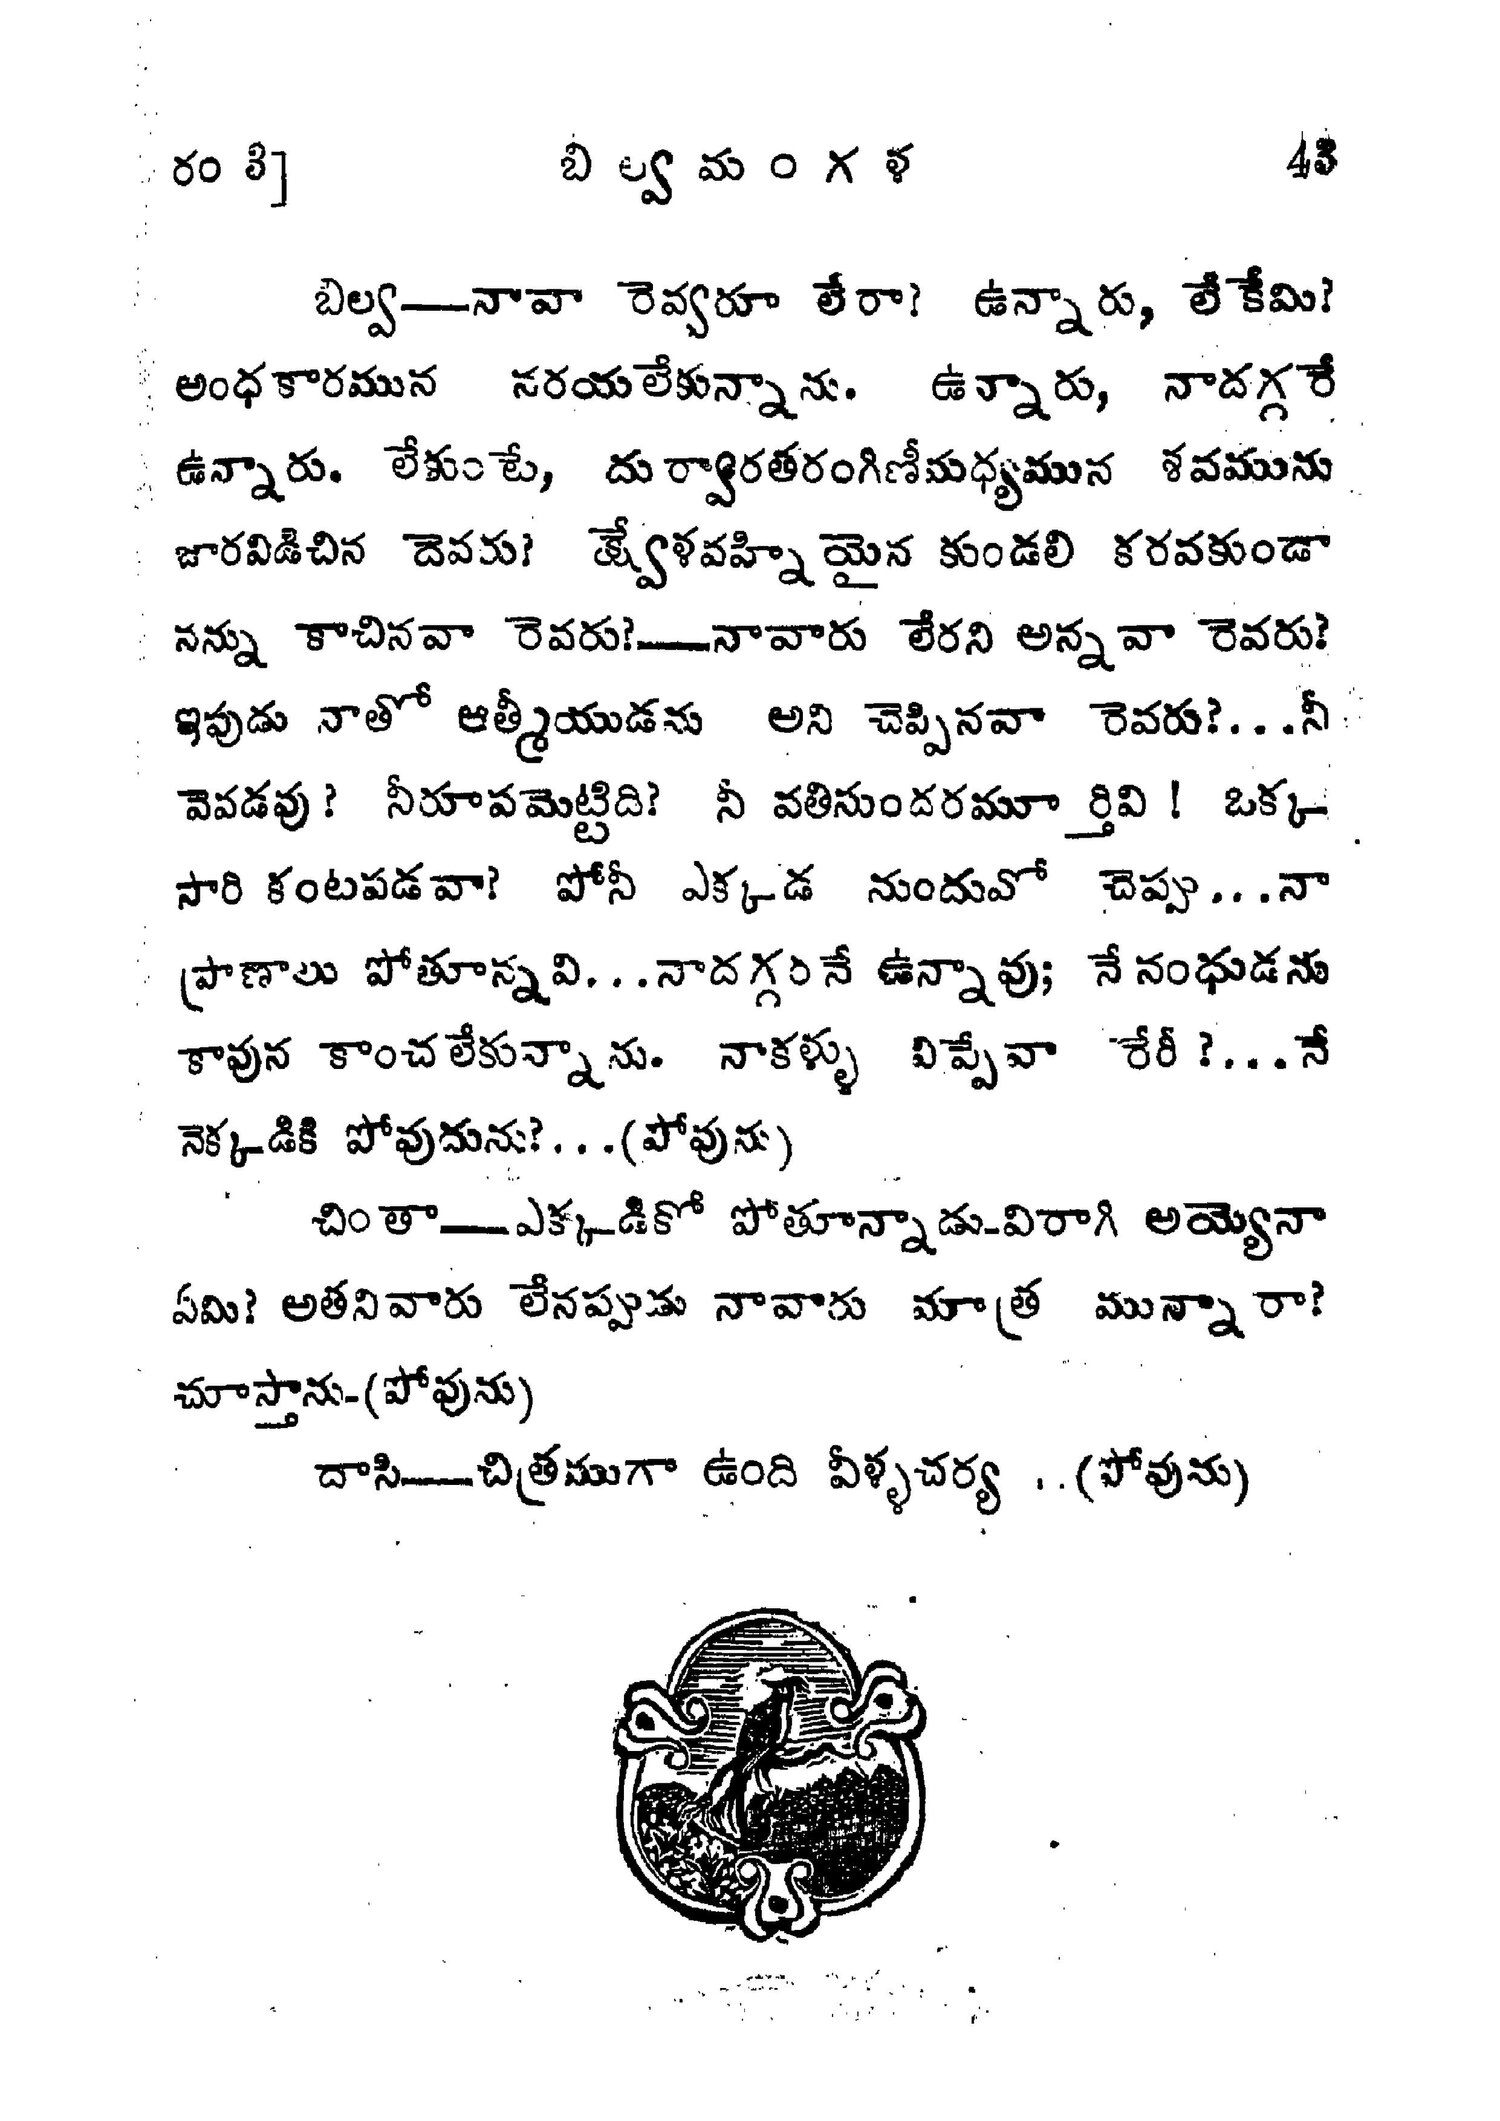బిల్వ - నావా రెవ్వరూ లేరా? ఉన్నారు, లేకేమి? అంధకారమున నరయలేకున్నాను. ఉన్నారు, నాదగ్గరే ఉన్నారు. లేకుంటే, దుర్వారతరంగిణీమధ్యమున శవమును జారవిడిచిన దెవరు? క్ష్వేళవహ్నియైన కుండలి కరవకుండా నన్ను కాచినవా రెవరు? - నావారు లేరని అన్నవా రెవరు? ఇపుడు నాతో ఆత్మీయుడను అని చెప్పినవా రెవరు? ... నీ వెవడవు? నీరూపమెట్టిది? నీ వతిసుందరమూర్తివి ! ఒక్కసారి కంటపడవా? పోనీ ఎక్కడ నుందువో చెప్పు... నా ప్రాణాలు పోతూన్నవి... నాదగ్గరనే ఉన్నావు; నే నంధుడను కావున కాంచలేకున్నాను. నాకళ్ళు విప్పేవా రేరీ? ...నే నెక్కడికి పోవుదును?.. (పోవును)

చింతా - ఎక్కడికో పోతూన్నాడు-విరాగి అయ్యెనా ఏమి? అతనివారు లేనప్పుడు నావారు మాత్ర మున్నారా? చూస్తాను. (పోవును)

దాసి - చిత్రముగా ఉంది వీళ్ళచర్య.. (పోవును)